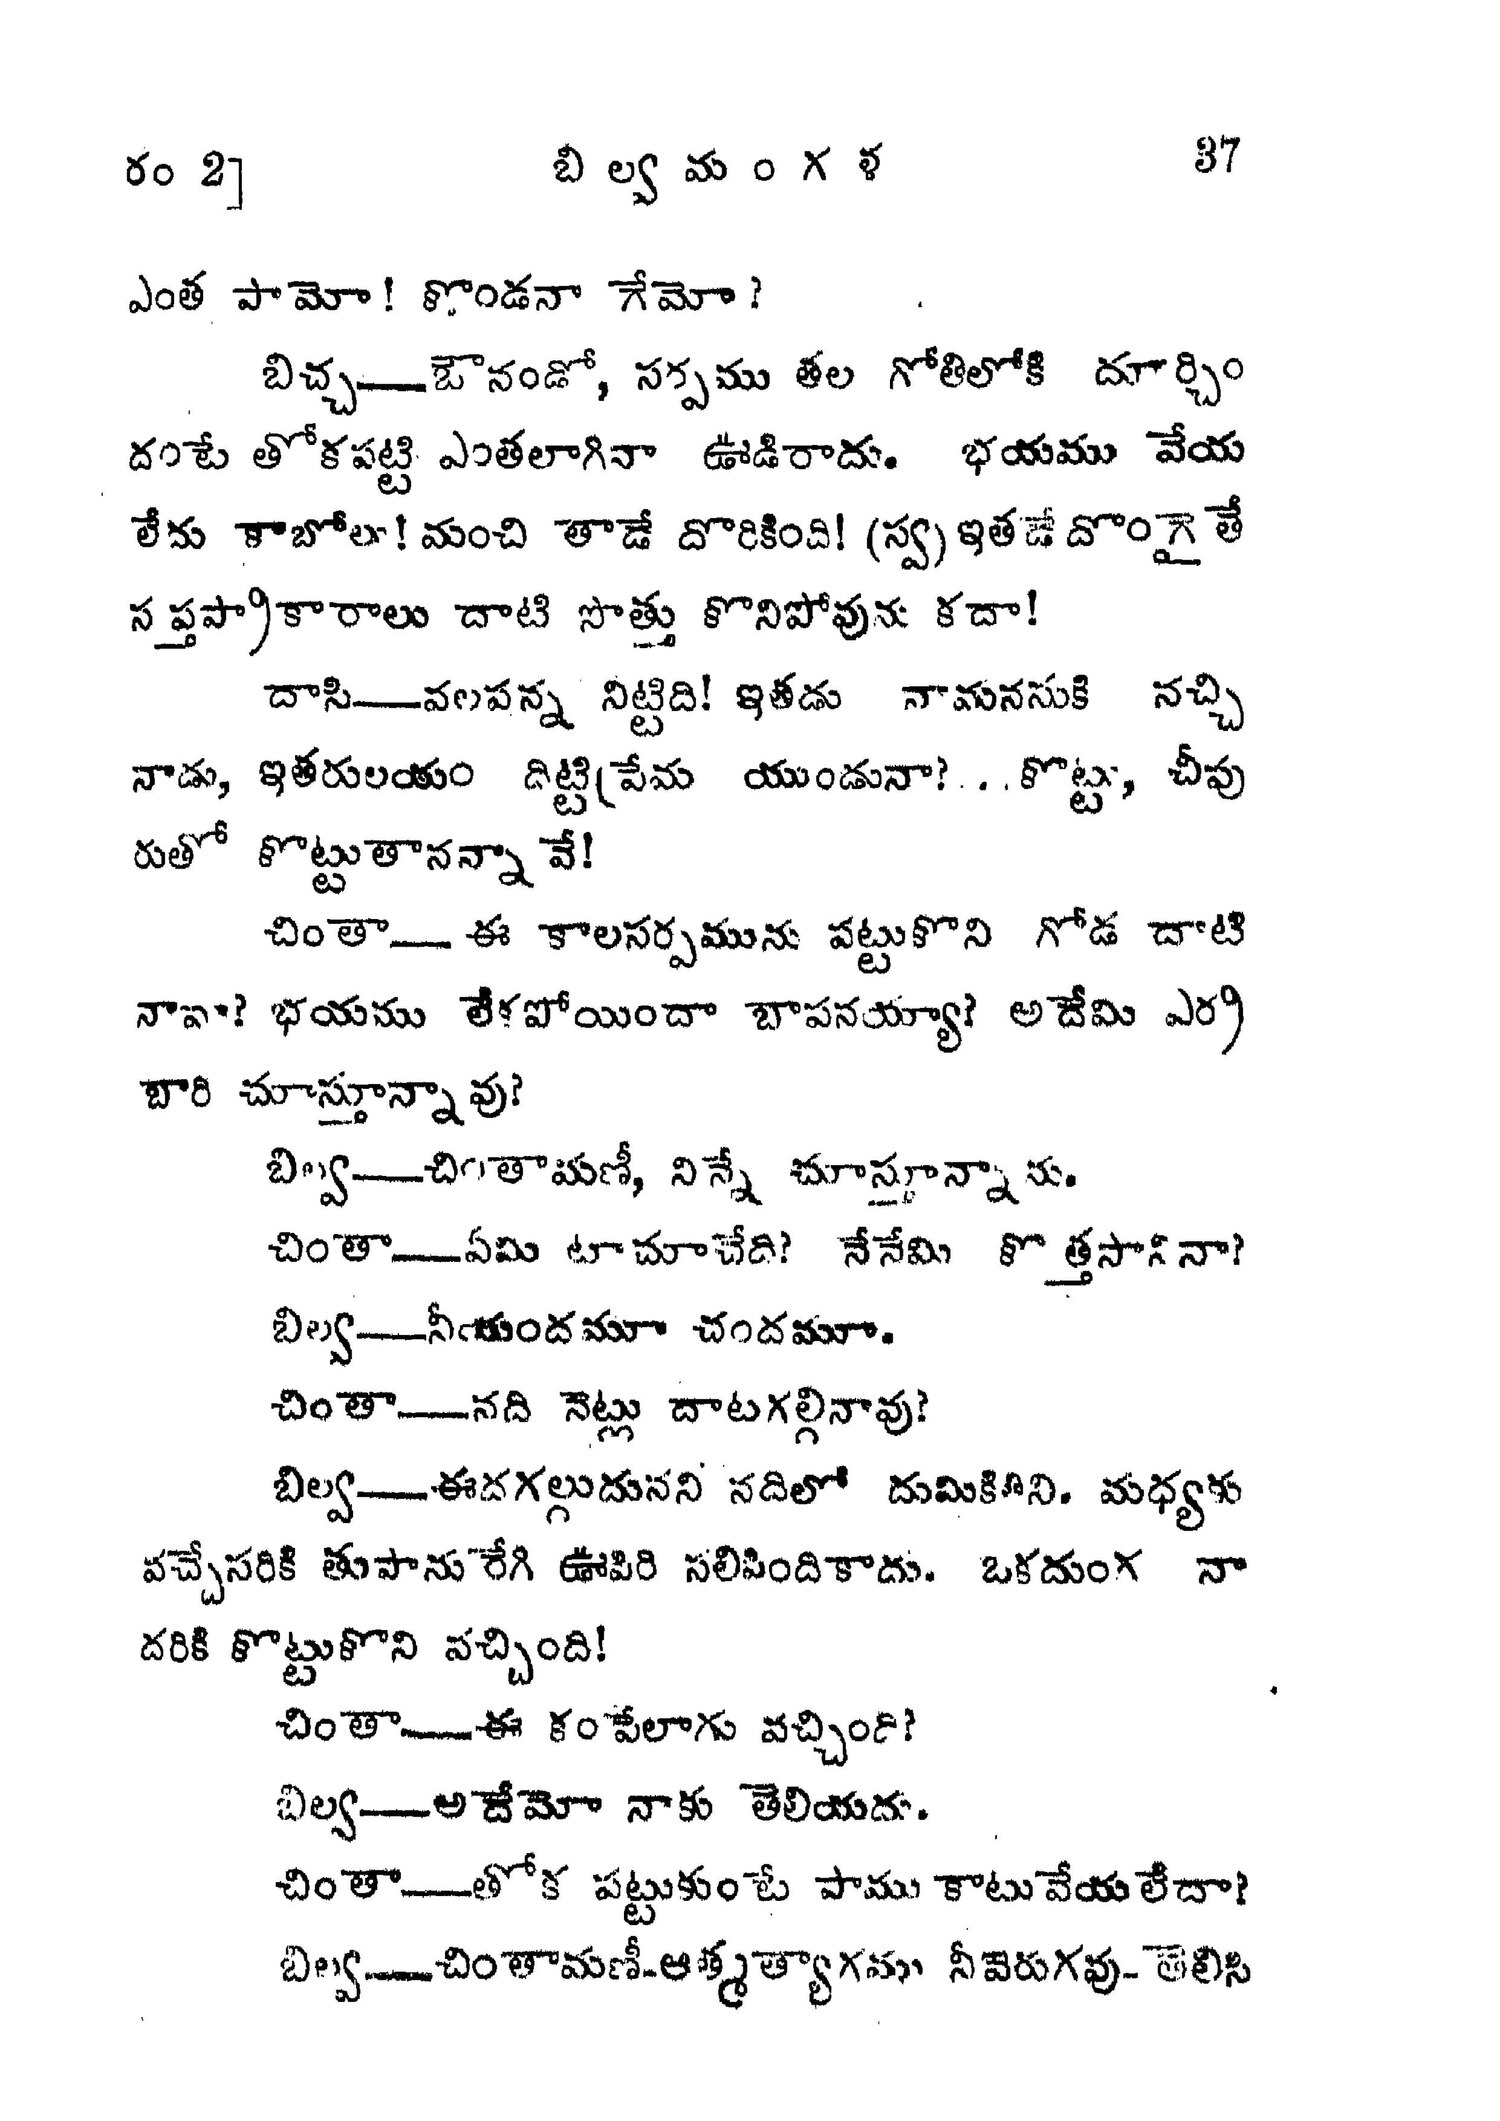ఎంత పామో! కొండనా గేమో?

బిచ్చ - ఔనండో, సర్పము తల గోతిలోకి దూర్చిందంటే తోకపట్టి ఎంతలాగినా ఊడిరాదు. భయము వేయ లేదు కాబోలు! మంచి తాడే దొరికింది! (స్వ) ఇతడే దొంగైతే సప్తప్రాకారాలు దాటి సొత్తు కొనిపోవును కదా!

దాసి - వలపన్న నిట్టిది! ఇతడు నామనసుకి నచ్చినాడు, ఇతరులయం దిట్టిప్రేమ యుండునా? కొట్టు, చీపురుతో కొట్టుతానన్నవే!

చింతా - ఈ కాలసర్పమును పట్టుకొని గోడ దాటినావా? భయము లేకపోయిందా బాపనయ్యా? అదేమి ఎర్రబారి చూస్తున్నావు?

బిల్వ - చింతామణీ, నిన్నే చూస్తున్నాను.

చింతా - ఏమి టాచూచేది? నేనేమి కొత్తసానినా?

బిల్వ - నీయందమూ చందమూ.

చింతా - నది నెట్లు దాటగల్గినావు?

బిల్వ - ఈదగల్గుదునని నదిలో దుమికితిని. మధ్యకు వచ్చేసరికి తుపానురేగి ఊపిరి సలిపిందికాదు. ఒకదుంగ నా దరికి కొట్టుకొని వచ్చింది!

చింతా - ఈ కంపేలాగు వచ్చింది?

బిల్వ - అదేమో నాకు తెలియదు.

చింతా - తోక పట్టుకుంటే పాము కాటువేయలేదా?

బిల్వ - చింతామణీ-ఆత్మత్యాగము నీవెరుగవు-తెలిసి